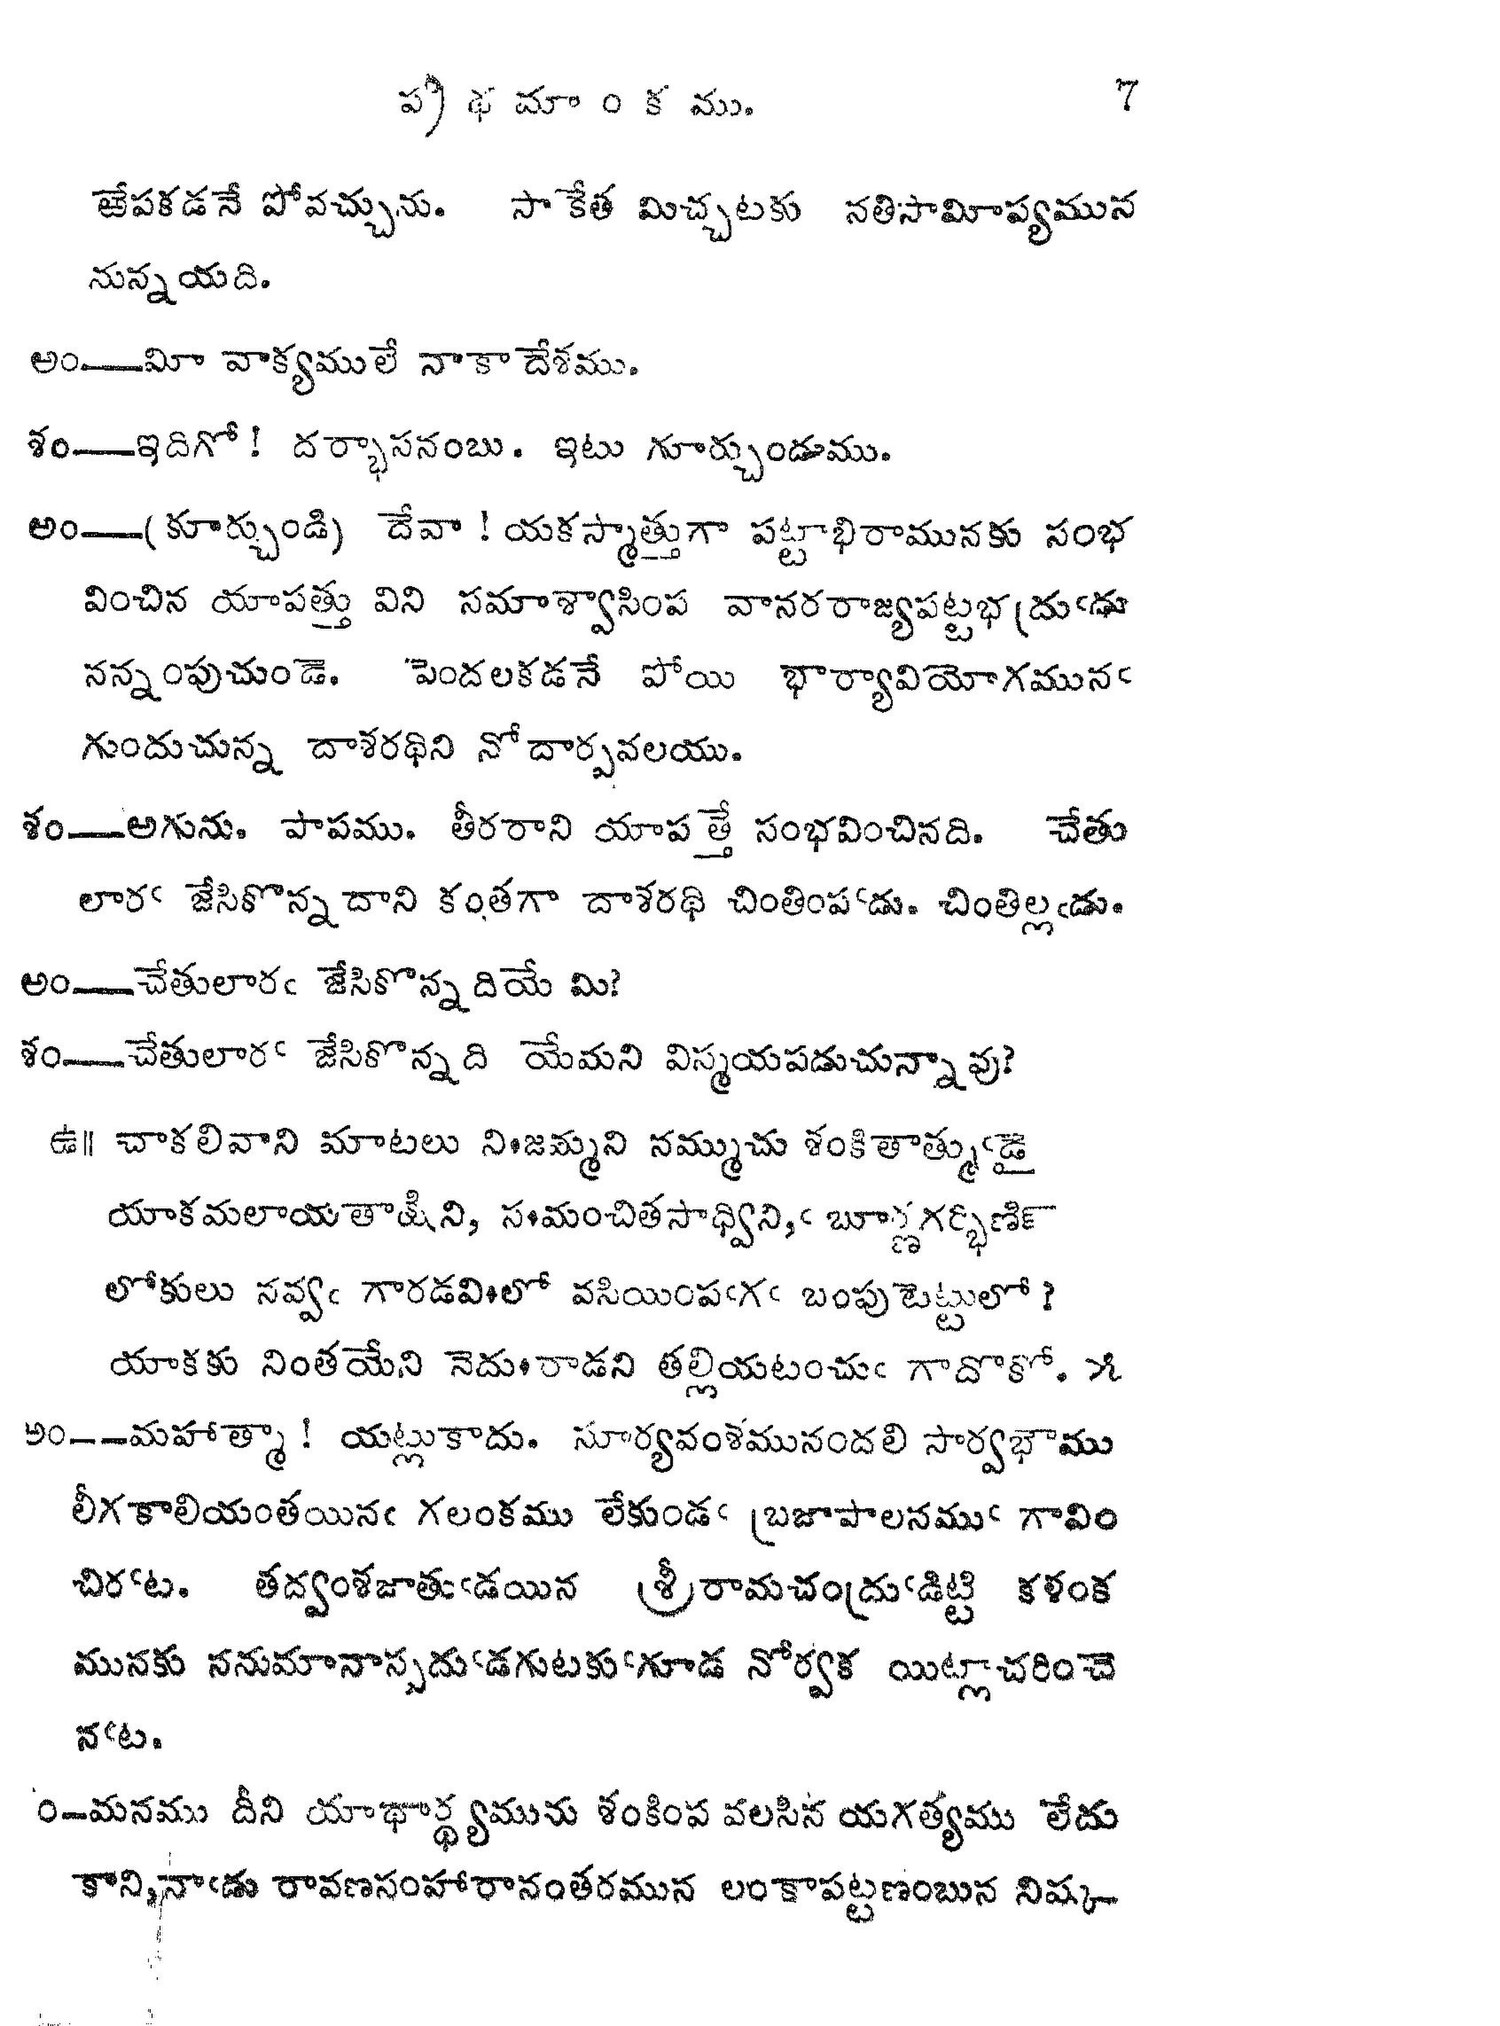ఱేపకడనే పోవచ్చును. సాకేత మిచ్చటకు నతిసామీప్యమున
 నున్నయది.

అం: మీ వాక్యము లే నాకా దేశము.

శం- ఇదిగో! దర్భాసనంబు . ఇటు గూర్చుండుము.

అం: (కూర్చుండి) దేవా ! యక స్మాత్తుగా పట్టాభిరామునకు సంభ
 వించిన యాపత్తు విని సమాశ్వాసింప వానర రాజ్యపట్టభద్రుఁడు
 నన్నంపుచుండె.పెందలకడనే పోయి భార్యా వియోగమున
 గుందుచున్న దాశరథిని నోదార్పవలయు.

శం: అగును. పాపము. తీరరాని యాపత్తే సంభవించినది. చేతు
 లారఁ జేసికొన్న దాని కంతగా దాశరథి చింతింపడు. చింతిల్లఁడు.

శం: చేతులారఁ జేసికొన్న దియే మి!
 శంచేతులారఁ జేసికొన్నది యేమని విస్మయపడుచున్నావు?

ఉ॥ చాకలివాని మాటలు నిజమ్మని నమ్ముచు శంకతాత్ముడై
 యాకమలాయతాక్షిని, సమంచిత సాధ్విని, బూర్జ గర్భణి
 లోకులు నవ్వఁ గారడవిలో వసియింపఁగఁ బంపు టెట్టులో !
 యాకకు నింతయేని నెదు. రాడని తల్లియటంచుఁ గాదొకో. 5 

అం: మహాత్మా ! యట్లు కాదు. సూర్యవంశమునందలి సార్వభౌము
 లీగకాలియంతయినఁ గలంకము లేకుండఁ బ్రజాపాలనము గావిం
 చీరట, తద్వంశజాతుఁడయిన శ్రీరామచంద్రుడెట్టి కళంక
 మునకు ననుమానాస్పదు డగుటకు గూడ నోర్వక యిట్లాచరించే
 నట.

శం:-మనము దీని యాథార్థ్యమును శంకింప వలసిన యగత్యము 'లేదు
 కాని నాఁడు రావణసంహారానంతరమున లంకాపట్టణంబున నిష్క